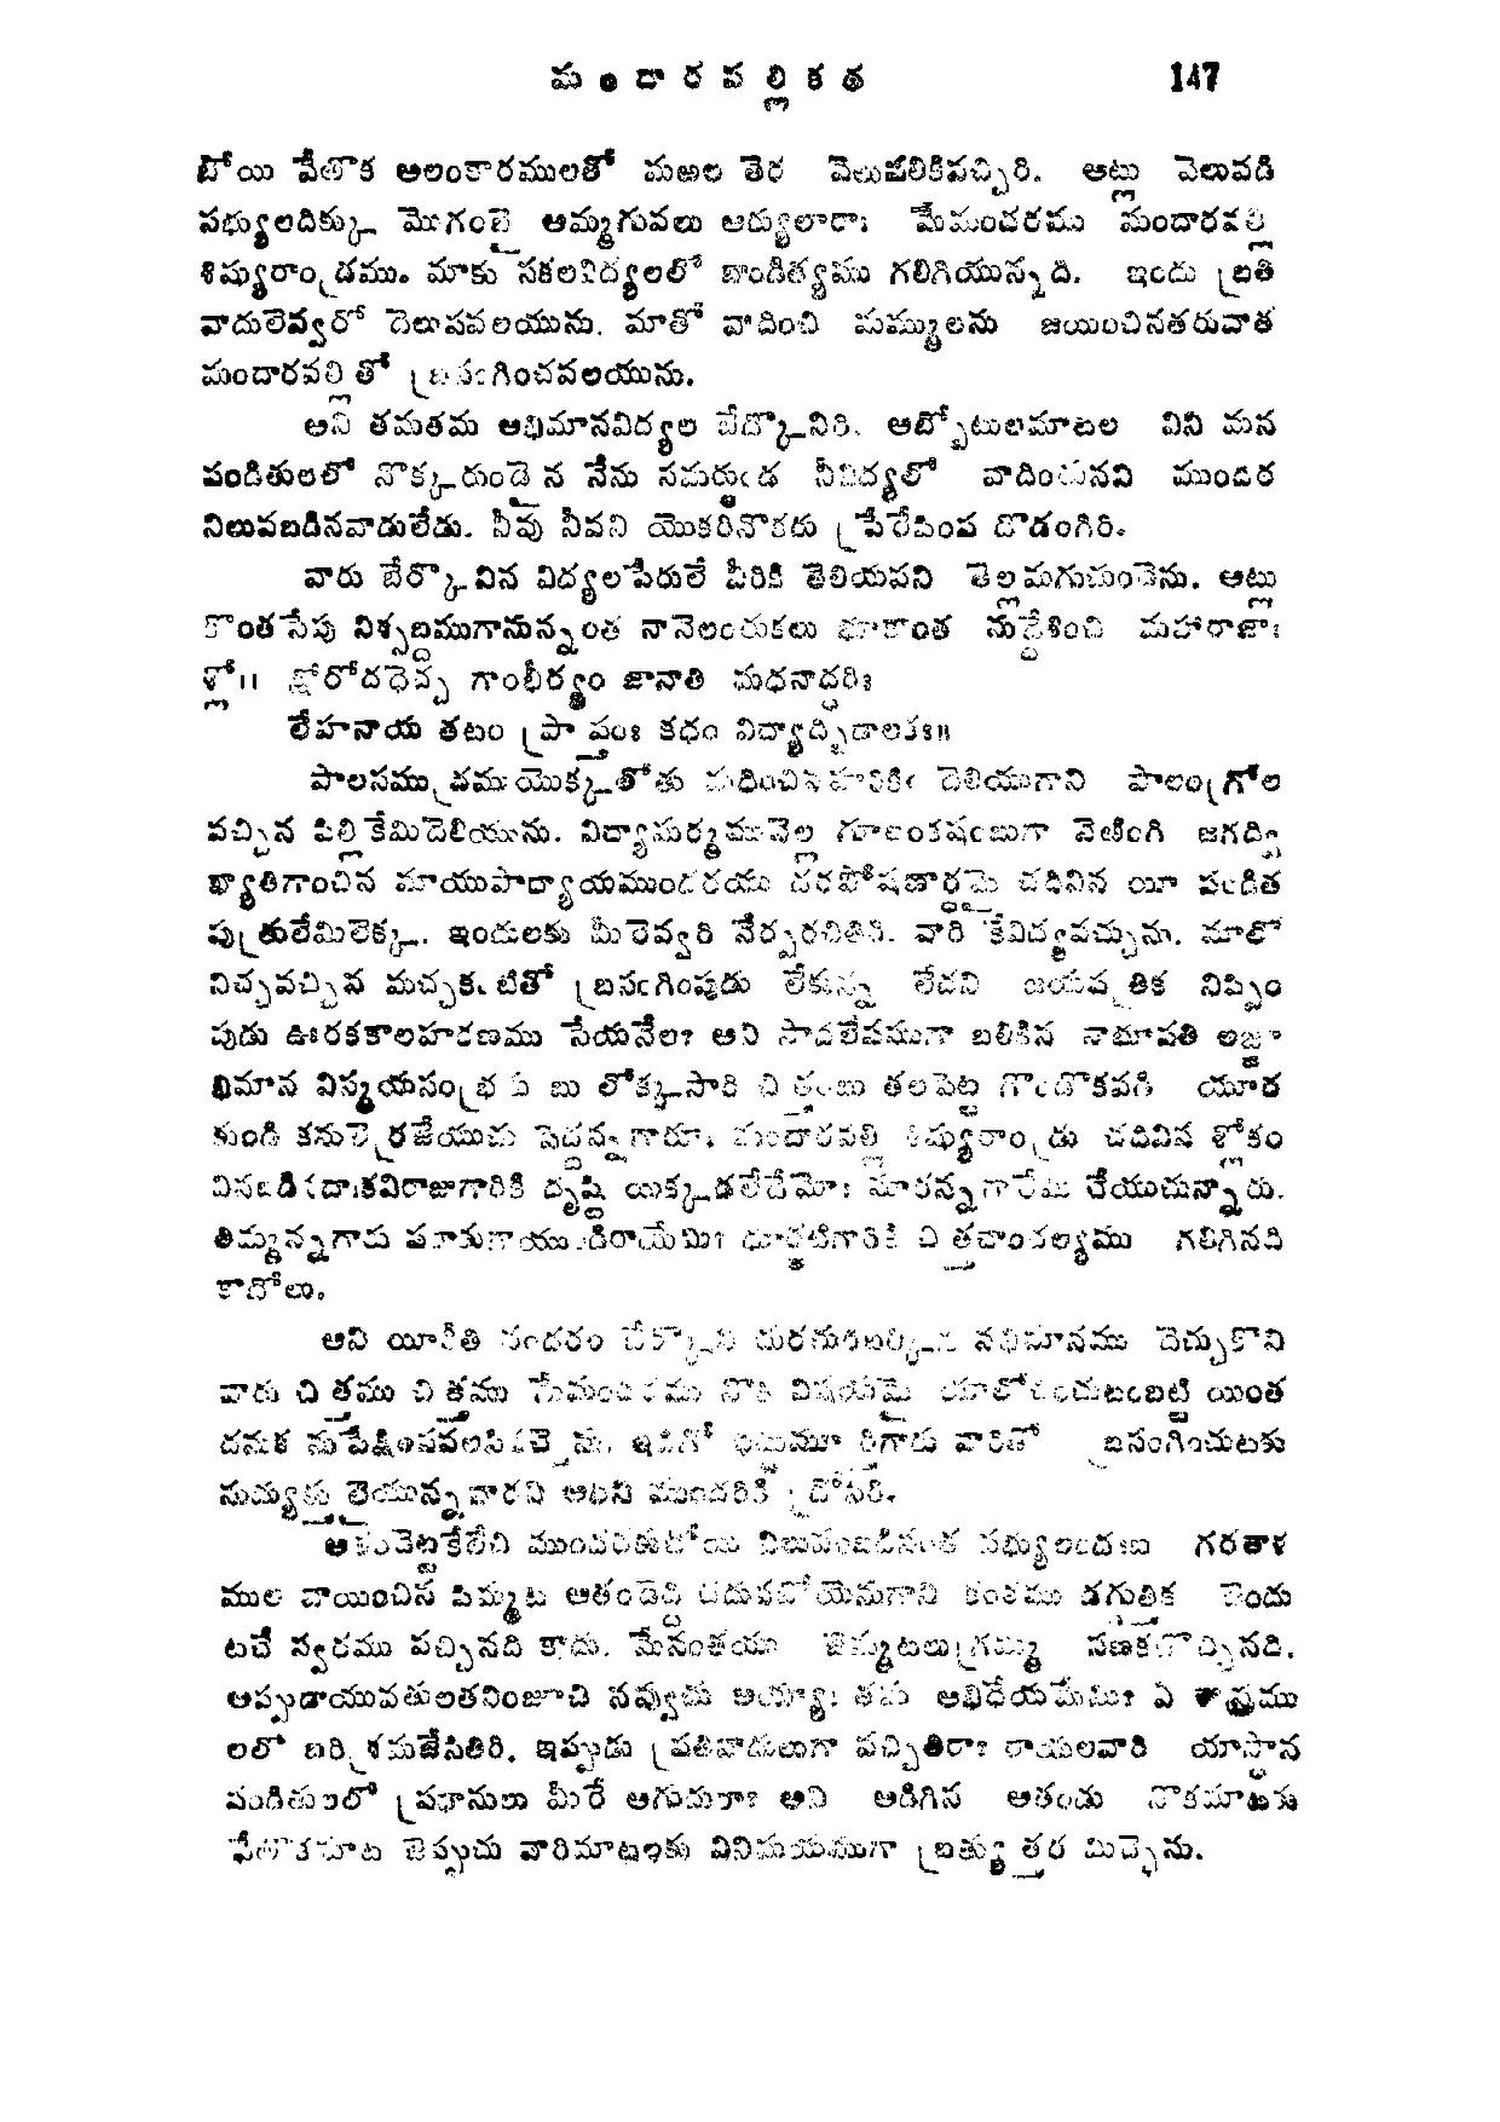బోయి వేఱొక అలంకారములతో మఱల తెర వెలుపలికివచ్చిరి. అట్లు వెలువడి సభ్యులదిక్కు మొగంబై అమ్మగువలు ఆర్యులారా! మేమందరము మందారవల్లి శిష్యురాండ్రము. మాకు సకలవిద్యలలో బాండిత్యము గలిగియున్నది. ఇందు బ్రతివాదులెవ్వరో దెలుపవలయును. మాతో వాదించి మమ్ములను జయించినతరువాత మందారవల్లితో బ్రసంగించవలయును.

అని తమతమ అభిమానవిద్యల బేర్కొనిరి. ఆబ్బోటులమాటల విని మన పండితులలో నొక్కరుండైన నేను సమర్థుఁడ నీవిద్యలో వాదింతునని ముందర నిలువబడినవాడులేడు. నీవు నీవని యొకరినొకరు ప్రేరేపింప దొడంగిరి.

వారు బేర్కొనిన విద్యలపేరులే వీరికి తెలియవని తెల్లమగుచుండెను. అట్లు కొంతసేపు నిశ్శబ్దముగా నున్నంత నానెలంతుకలు భూకాంతు నుద్దేశించి మహారాజా! 

శ్లో॥ క్షోరోదదెచ్చ గాంభీర్యం జానాతి మధనాద్దరిః
 లేహనాయ తటం ప్రాప్తంః కధం విద్యాద్బిడాలకః॥
పాలసముద్రముయొక్కలోతు మధించినహరికిఁ దెలియుగాని పాలంగ్రోల వచ్చిన పిల్లి కేమిదెలియును. విద్యామర్మమునెల్ల గూలంకషంబుగా వెఱింగి జగద్విఖ్యాతిగాంచిన మాయుపాధ్యాయముందర యుదరపోషణార్ధమై చదివిన యీ పండితపుత్ రులేమిలెక్క. ఇందులకు మీరెవ్వరి నేర్పరచితిరి. వారి కేవిద్యవచ్చును. మాలో నిచ్చవచ్చిన మచ్చకంటితో బ్రసంగింపుడు లేకున్న లేదని జయపత్రిక నిప్పింపుడు ఊరక కాలహరణము సేయనేల? అని సావలేపముగా బలికిన నాభూపతి లజ్జాభిమానవిస్మయసంభ్రమంబు లొక్కసారి చిత్తంబు తలపెట్ట గొండొకవడి యూరకుండి కనులెర్రజేయుచు పెద్దన్నగారూ, మందారవల్లి శిష్యురాండ్రు చదివిన శ్లోకం వినబడినదా! కవిరాజుగారికి దృష్టి యిక్కడలేదేమో? సూరన్నగారేమి చేయుచున్నారు. తిమ్మన్నగారు పరాకుగాయుండిరాయేమి? ధూర్జటిగారికి చిత్తచాంచల్యము గలిగినది కాబోలు.

అని యీరీతి నందరం బేర్కొని చురచురబల్కిన నభిమానము దెచ్చుకొని వారు చిత్తము చిత్తము మేమందరము నొక విషయమై యాలోచించుటఁబట్టి యింత దనుక నుపేక్షింపవలసివచ్చెను. ఇదిగో భట్టుమూర్తిగారు వారితో బ్రసంగించుటకు నుద్యుక్తులైయున్నవారని ఆతని ముందరికి ద్రోసిరి.

అతండెట్టకేలేచి ముందరకుబోయి నిలువబడినంత సభ్యులందఱు గరతాళముల వాయించిన పిమ్మట ఆతండెద్ది చదువబోయెనుగాని కంఠము డగ్గుత్తిక జెందుటచే స్వరము వచ్చినది కాదు. మేనంతయు జెమ్మటలుగ్రమ్మ వణకజొచ్చినది. అప్పు డాయువతు లతనింజూచి నవ్వుచు అయ్యా! తమ అభిధేయ మేమి? ఏ శాస్త్రములలో బరిశ్రమజేసితిరి. ఇప్పుడు ప్రతివాదులుగా వచ్చితిరా? రాయలవారి యాస్థానపండితులలో ప్రధానులు మీరే అగుదురా? అని అడిగిన అతండు నొకమాటకు వేఱొకమాట జెప్పుచు వారిమాటలకు వినిమయముగా బ్రత్యుత్తర మిచ్చెను.